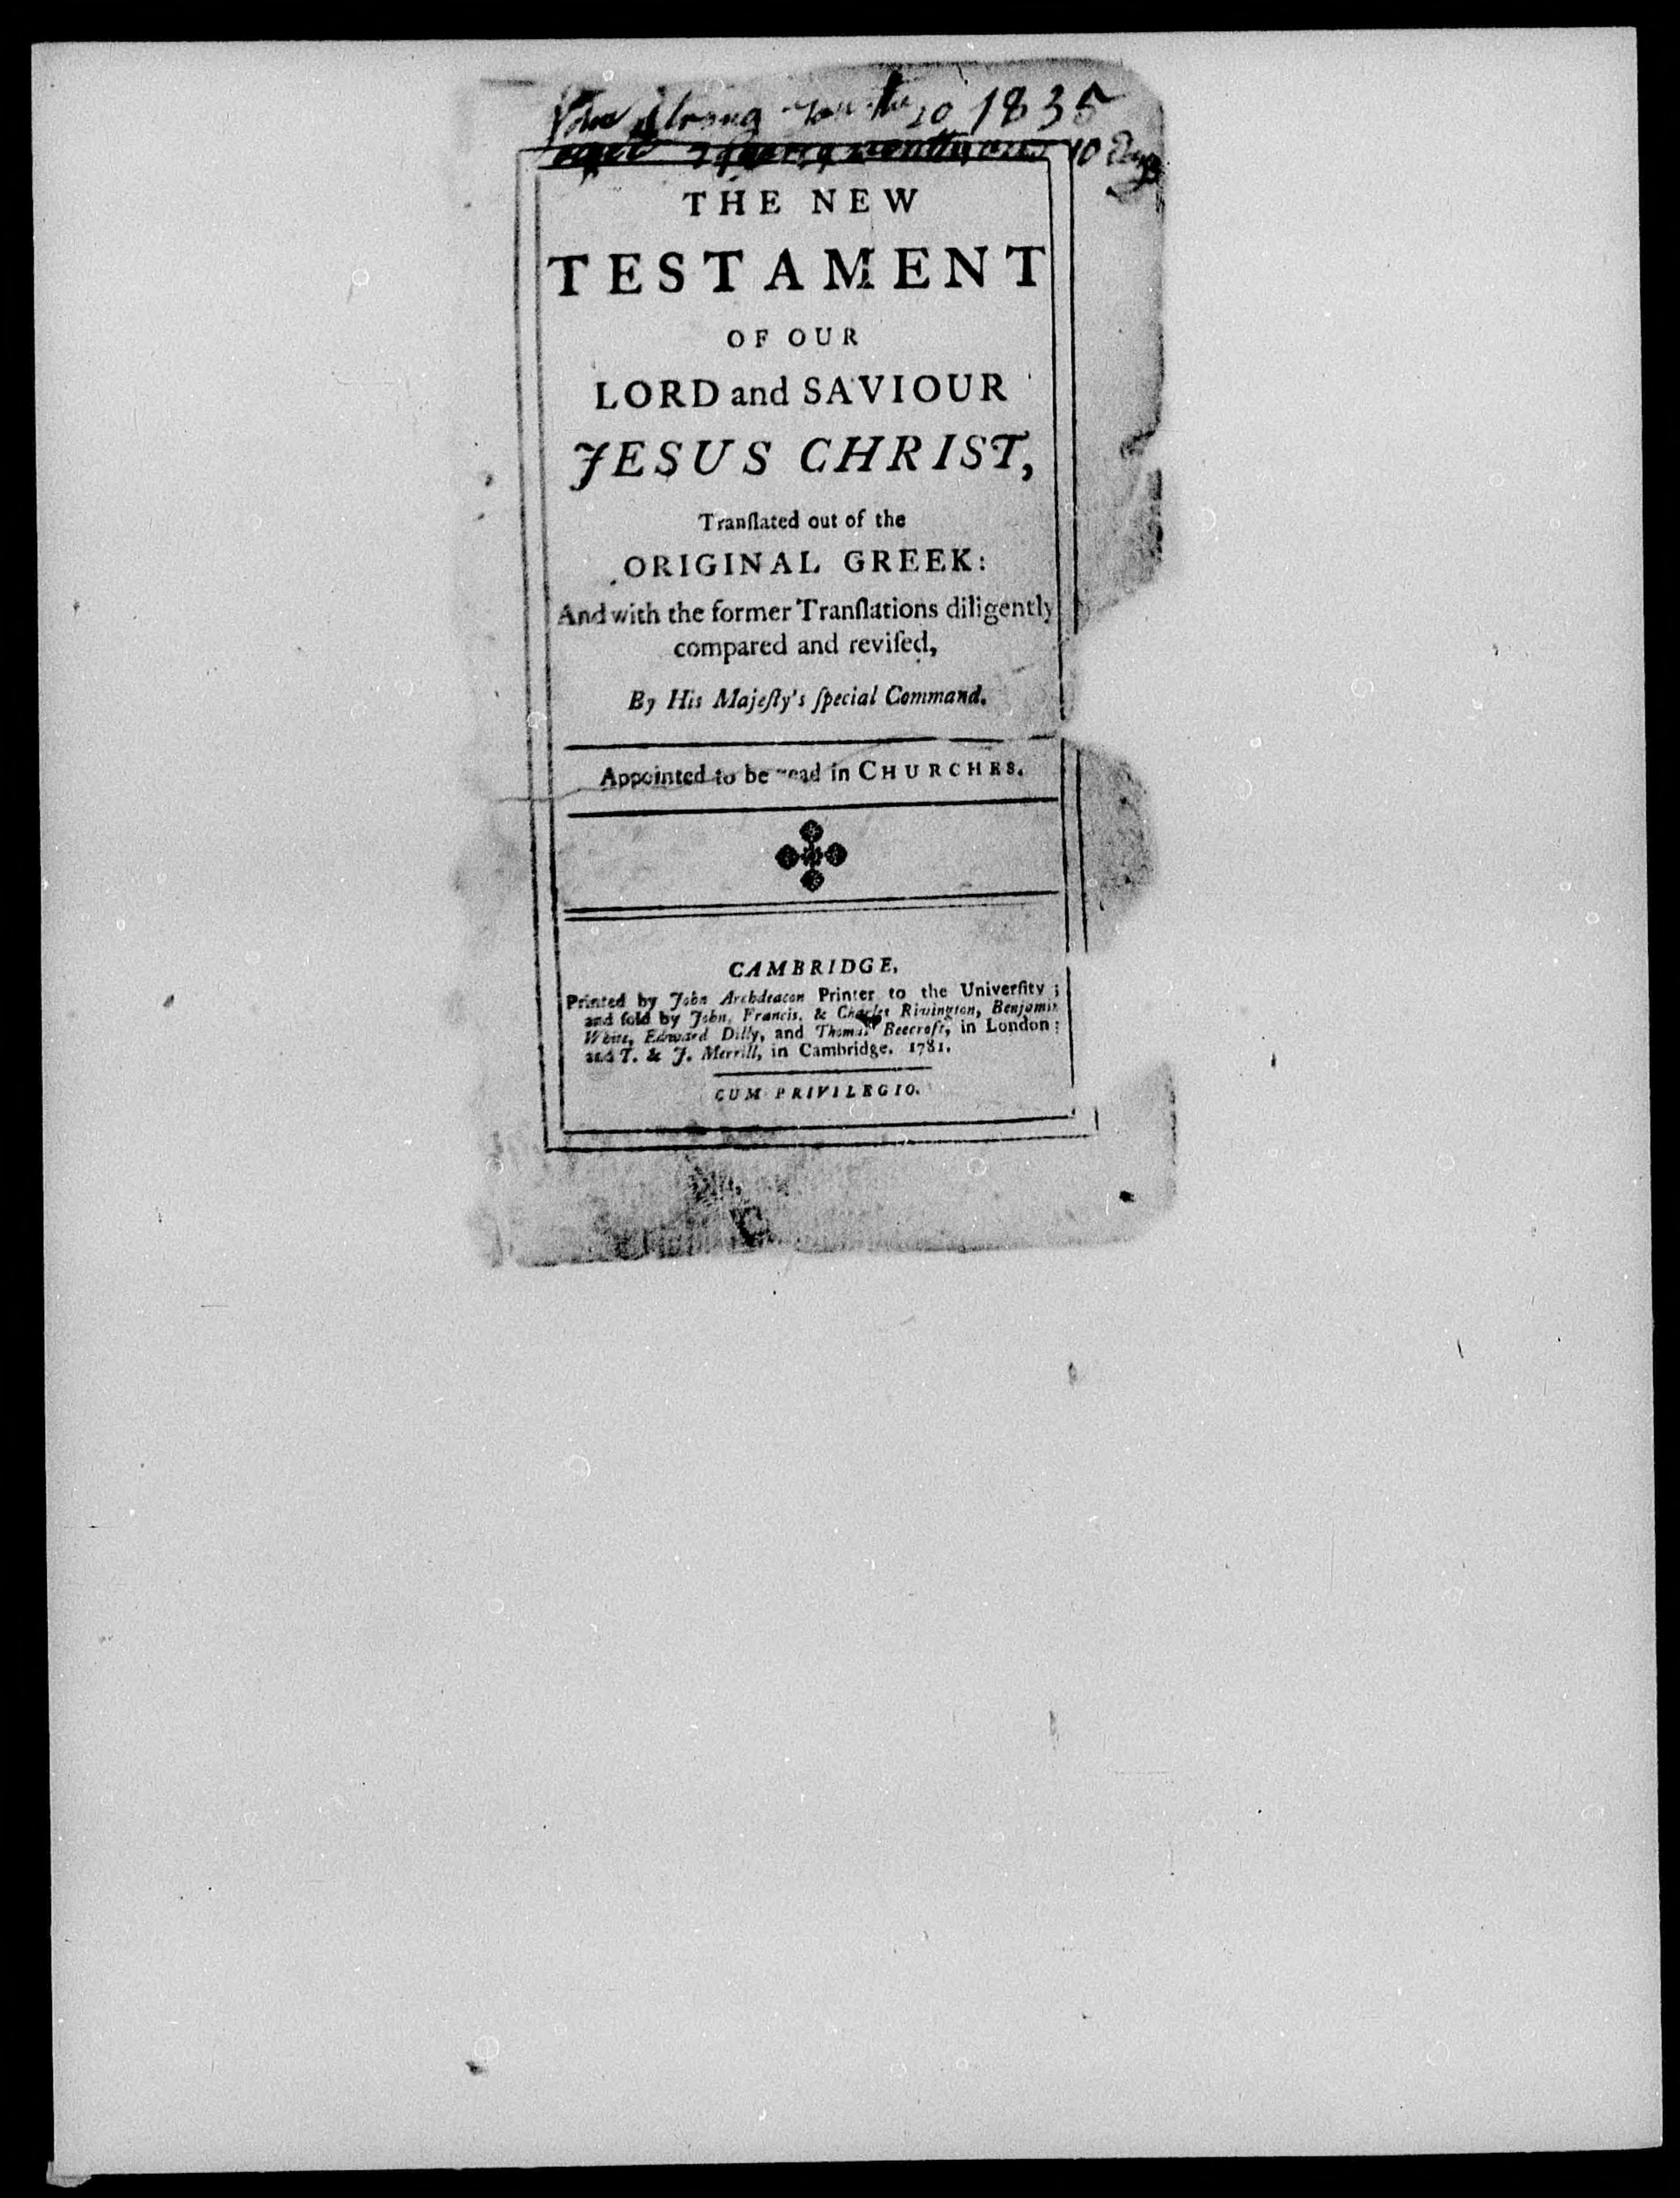John Strong Jan the 20 1835 
Aged 7[?] years 9[?] months and 10 Days
THE NEW TESTAMENT OF OUR LORD and SAVIOUR JESUS CHRIST 
Translated out of the ORIGINAL GREEK: 
And with the former Translations diligent compared and revised, By His Majesty's Special Command
Appointed to be read in CHURCHES 

CAMBRIDGE, printed by the Archdeacon Printer to the University and sold by John Francis, & Charles Rivington, Benjamin White, Edward Dilly, and Thomas Beecraft in London and T. & J. Merrill, in Cambridge, 1781. 
CUM PRIVILEGO.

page: 12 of 33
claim: widow's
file: W. 4592, for John Strong, New York